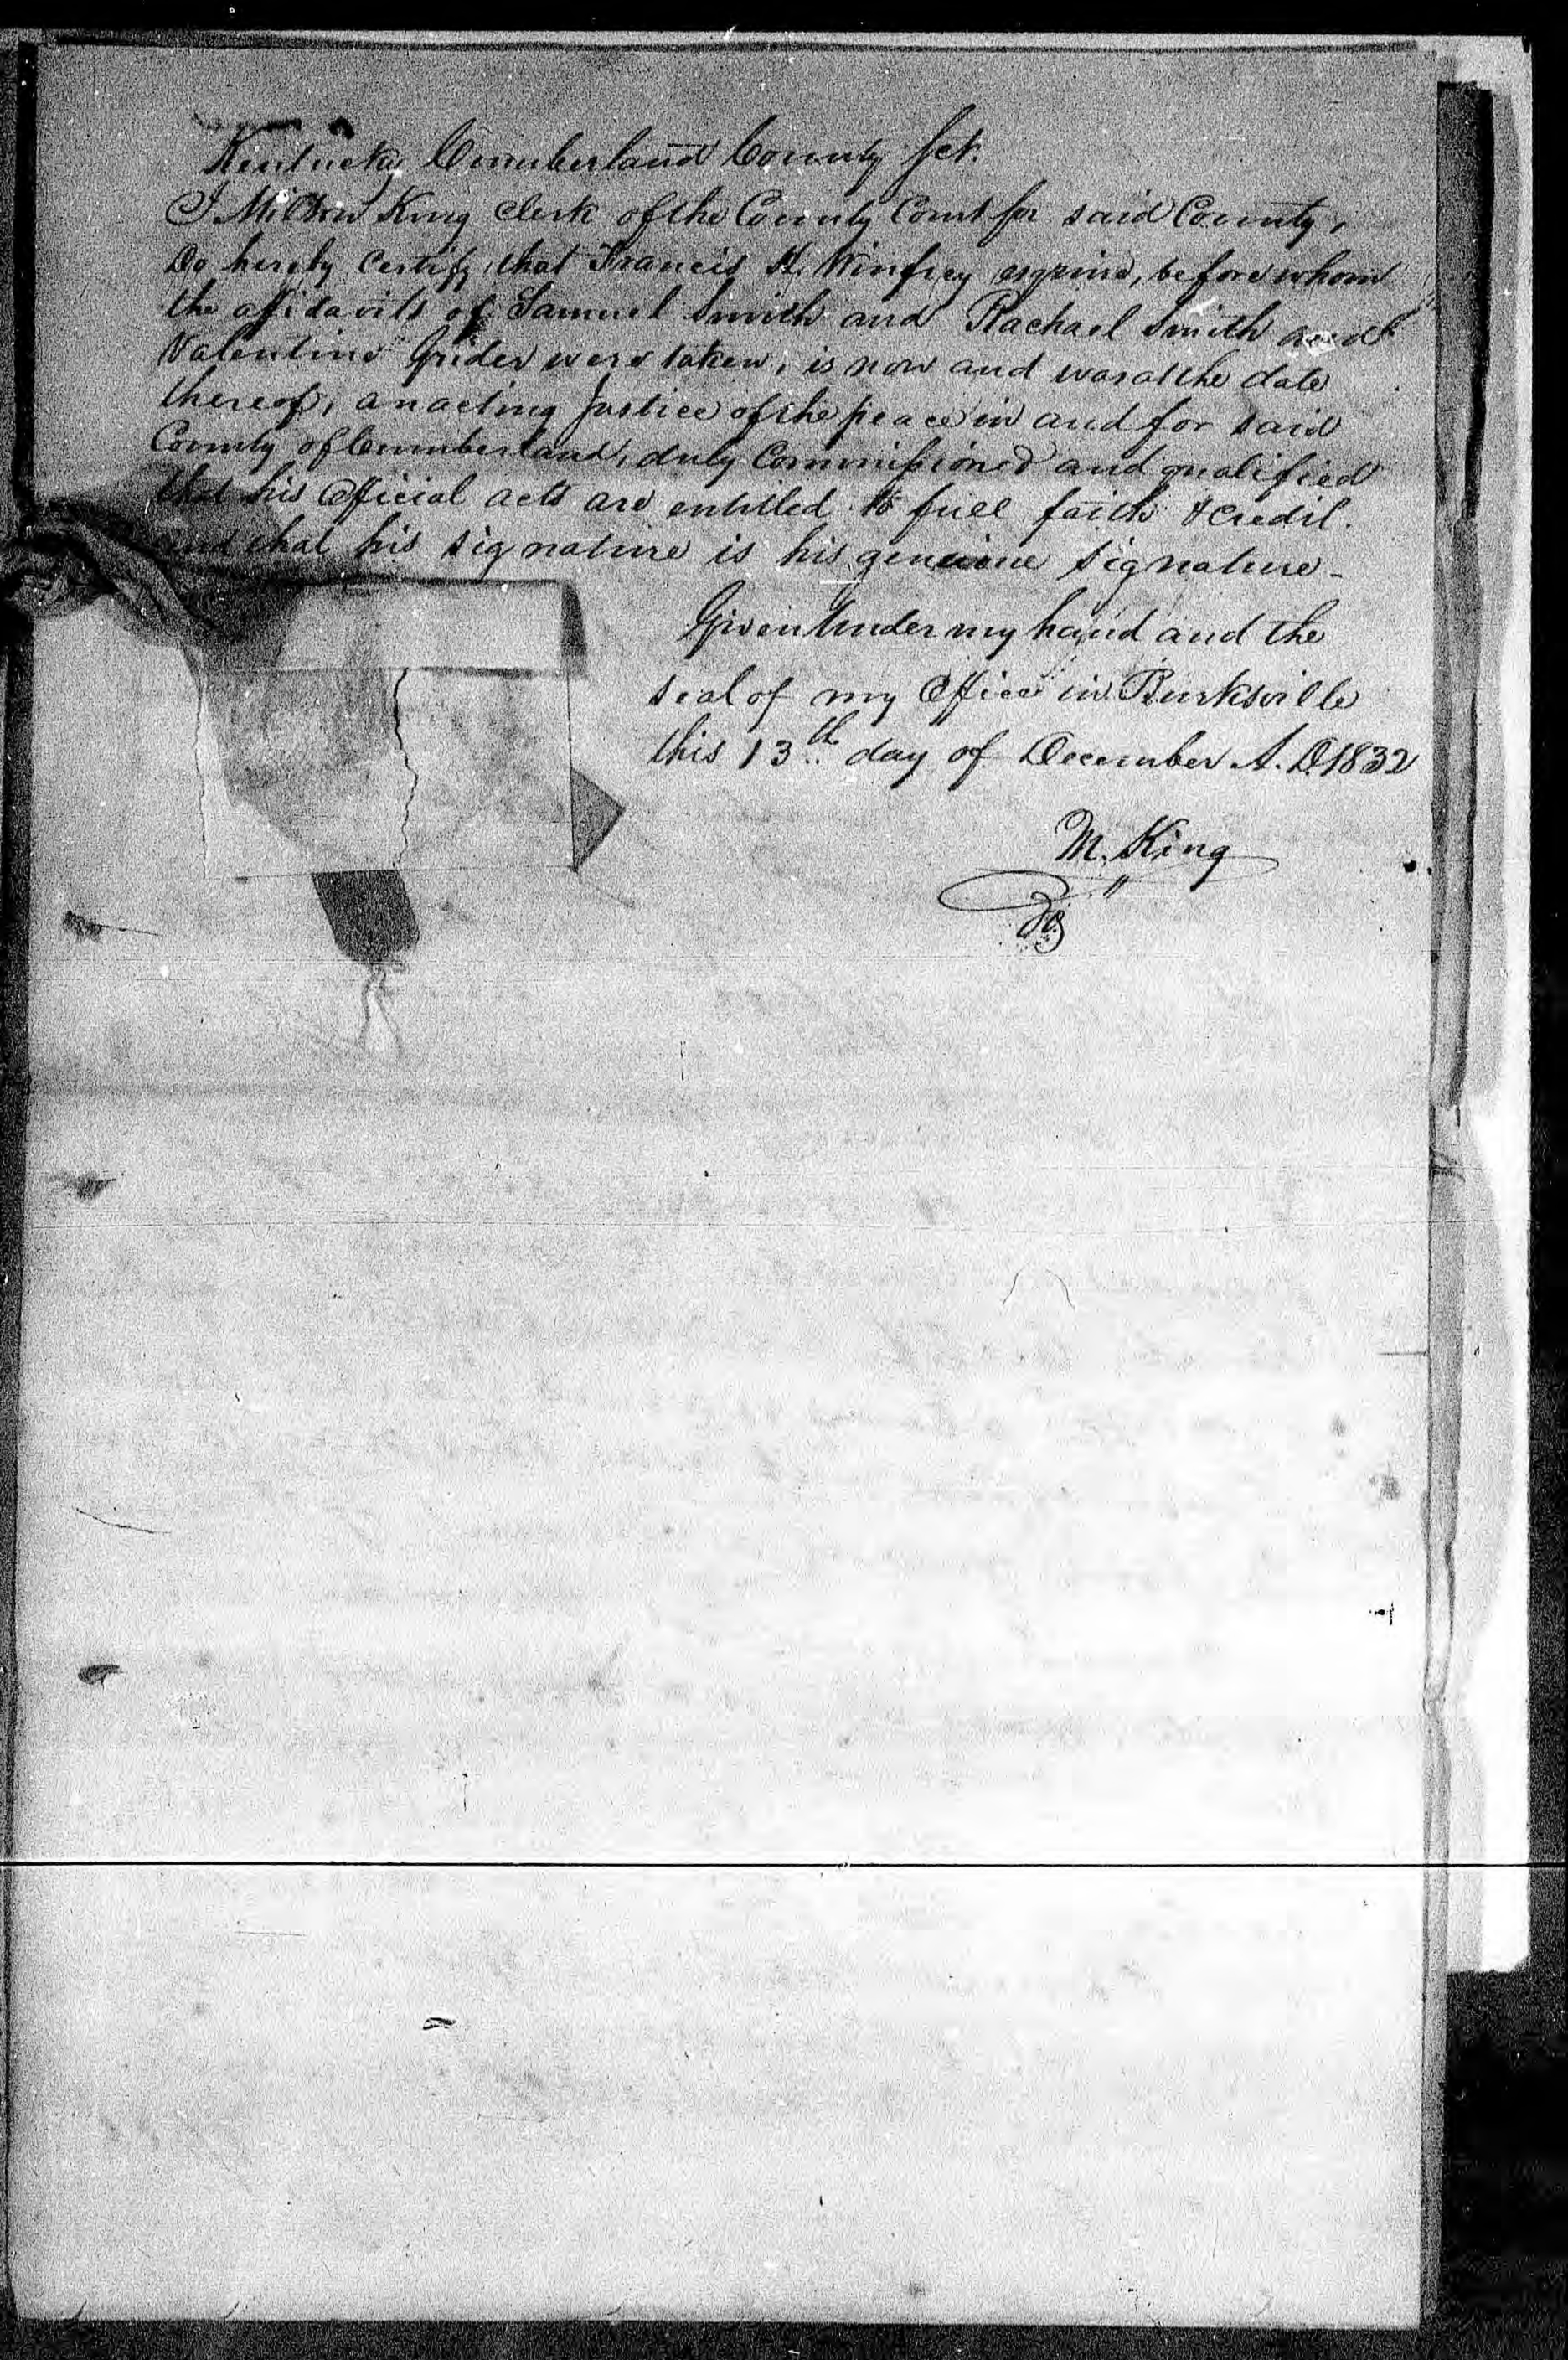Kentucky Cumberland County Set.
I Milton King Clerk of the County Court for said County, do hereby certify that Francis H Winfrey esquire, before whom the affidavits of Samuel Smith and Rachel Smith and Valentine Grider were taken, is now and was at the date thereof, an acting Justice of the Peace in and for said county of Cumberland, duly commissioned and qualified that his official acts are entitled to  full faith and credit and that his signature is his genuine signature.
Given under my hand and the seal of my office in Burkesville this 13th day of December A.D. 1832  [signed] M. King [illegible]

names: Rachael Smith, Francis H Winfrey, M King, Milton King, Samuel Smith, Valentine Grider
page: 88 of 91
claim: widow's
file: W 358, John Grider, N.C.